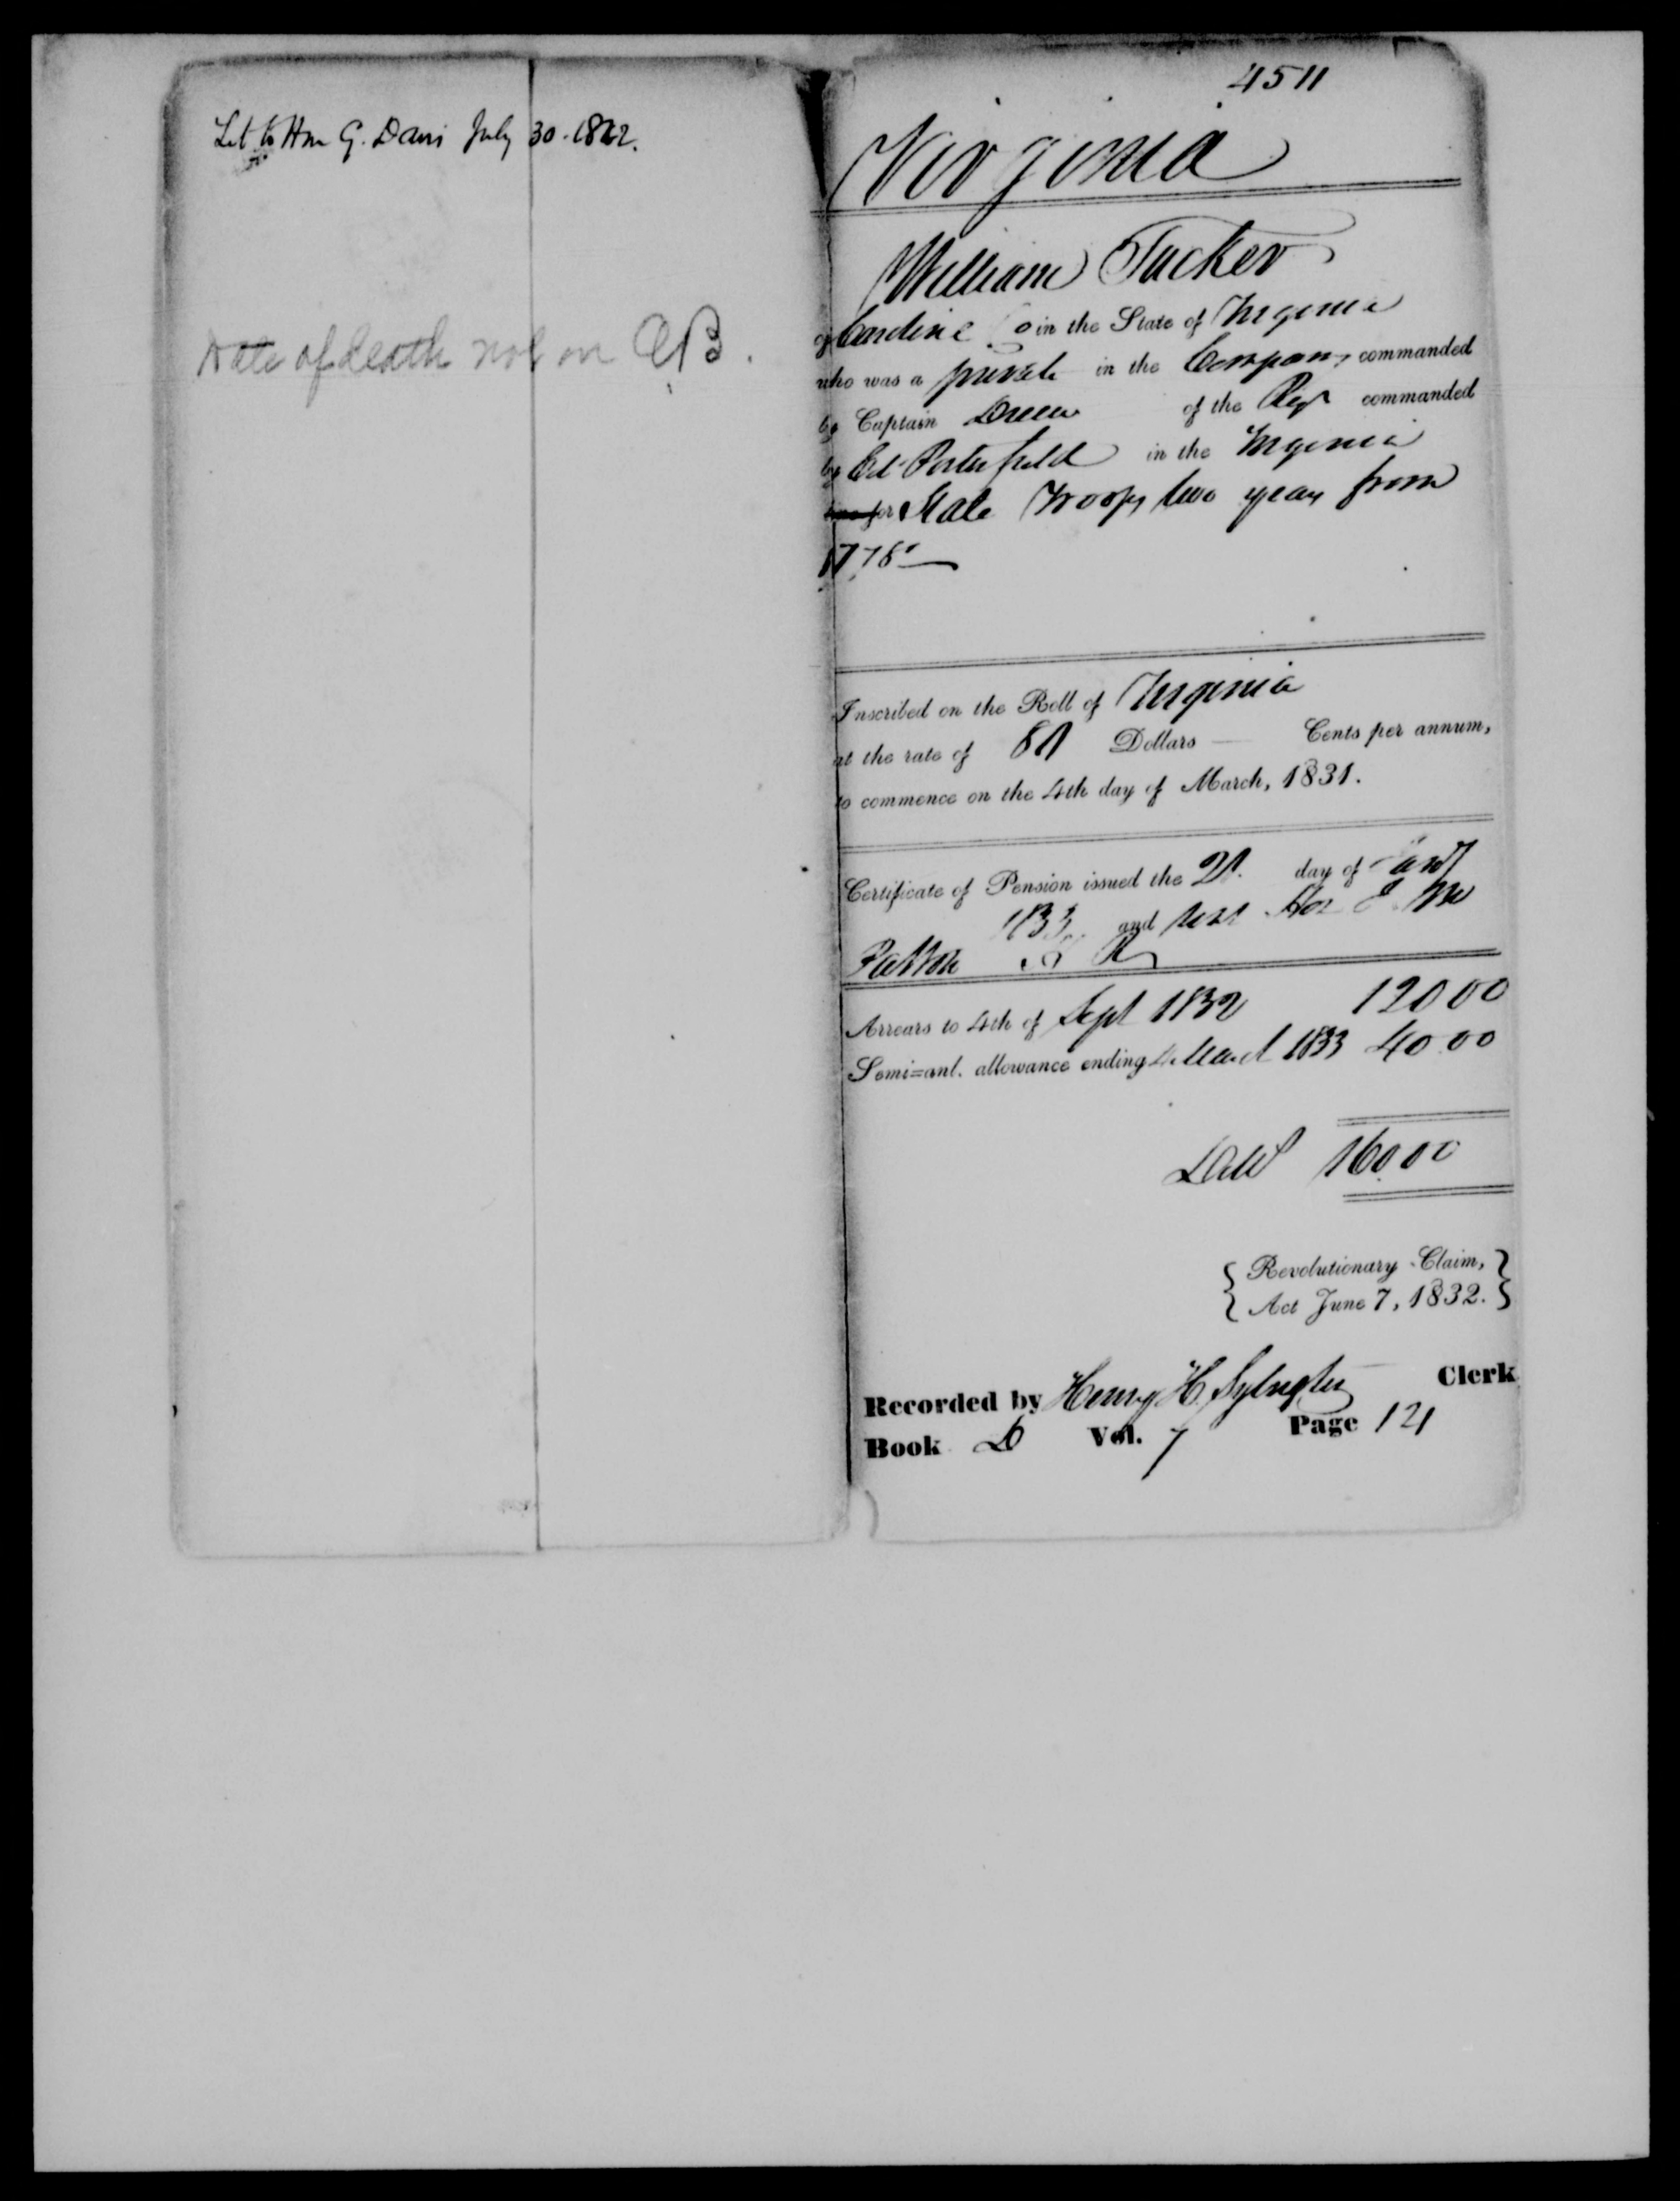Lt. 1. Hon G. Davis July 30, 1822
Date of death not on AB

4511
Virginia
William Tucker
of Caroline Co in the State of Virginia
who was a private in the Company commaned
by Captain Drew of the Rgt commanded
by Cd. Porterfield in the Virginia
State Troops two years from 1778

Inscribed on the Roll of Virginia
at the rate of 81 Dollars - Cents per annum,
to commence on the 4th day of March 1831.
Certificate of Pension issued the 21 day of June
1833 and since. Hon E [illegible]
Patton
Arrears to 4th of Sept 1832 120.00
Semi=anl. allowance ending [illegible] 1833 40.00
Due 160.00

Revolutionary Claim
Art June 7, 1832

Recorded by Henry H. Sylvester Clerk
Book 26 Vol 7 Page 121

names: G Davis, Henry H Sylvester, William Tucker, Drew, Porterfield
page: 2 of 13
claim: survivor's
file: S. 7764, William Tucker, Va.